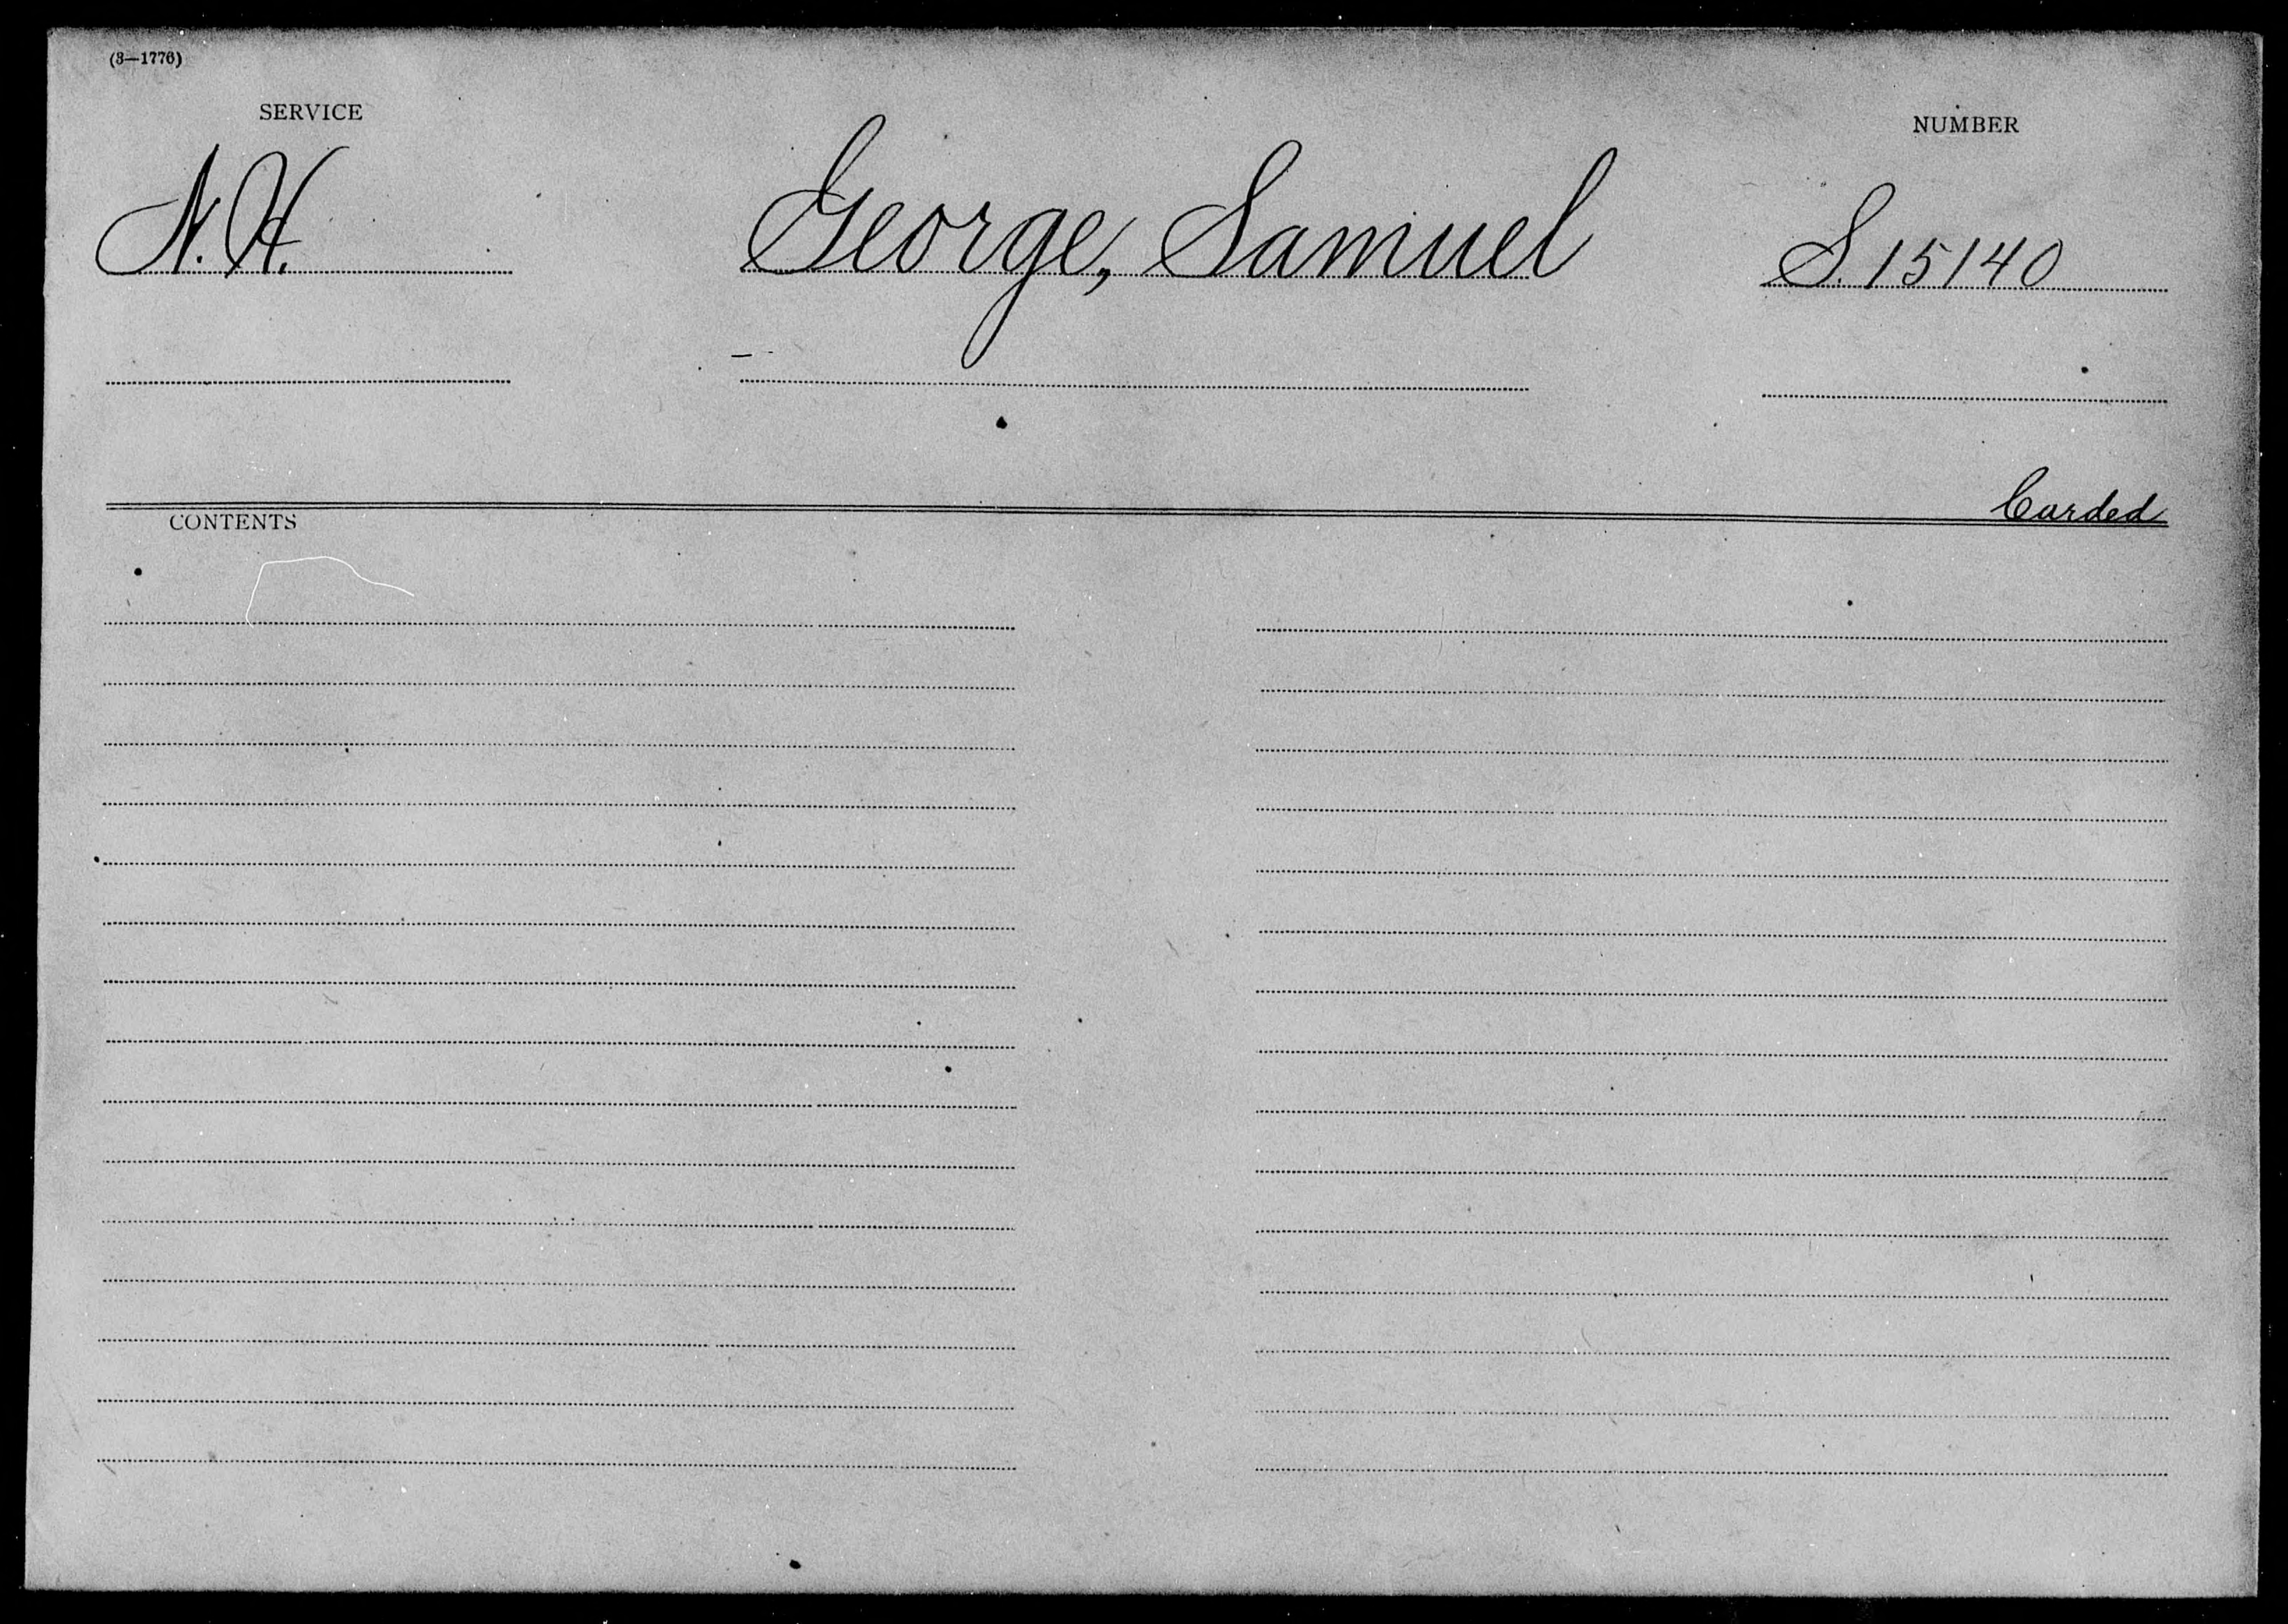SERVICE
N.H.

George, Samuel

NUMBER
S.15140

CONTENTS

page: 1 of 19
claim: survivor's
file: S. 15140, Samuel George, N.H.